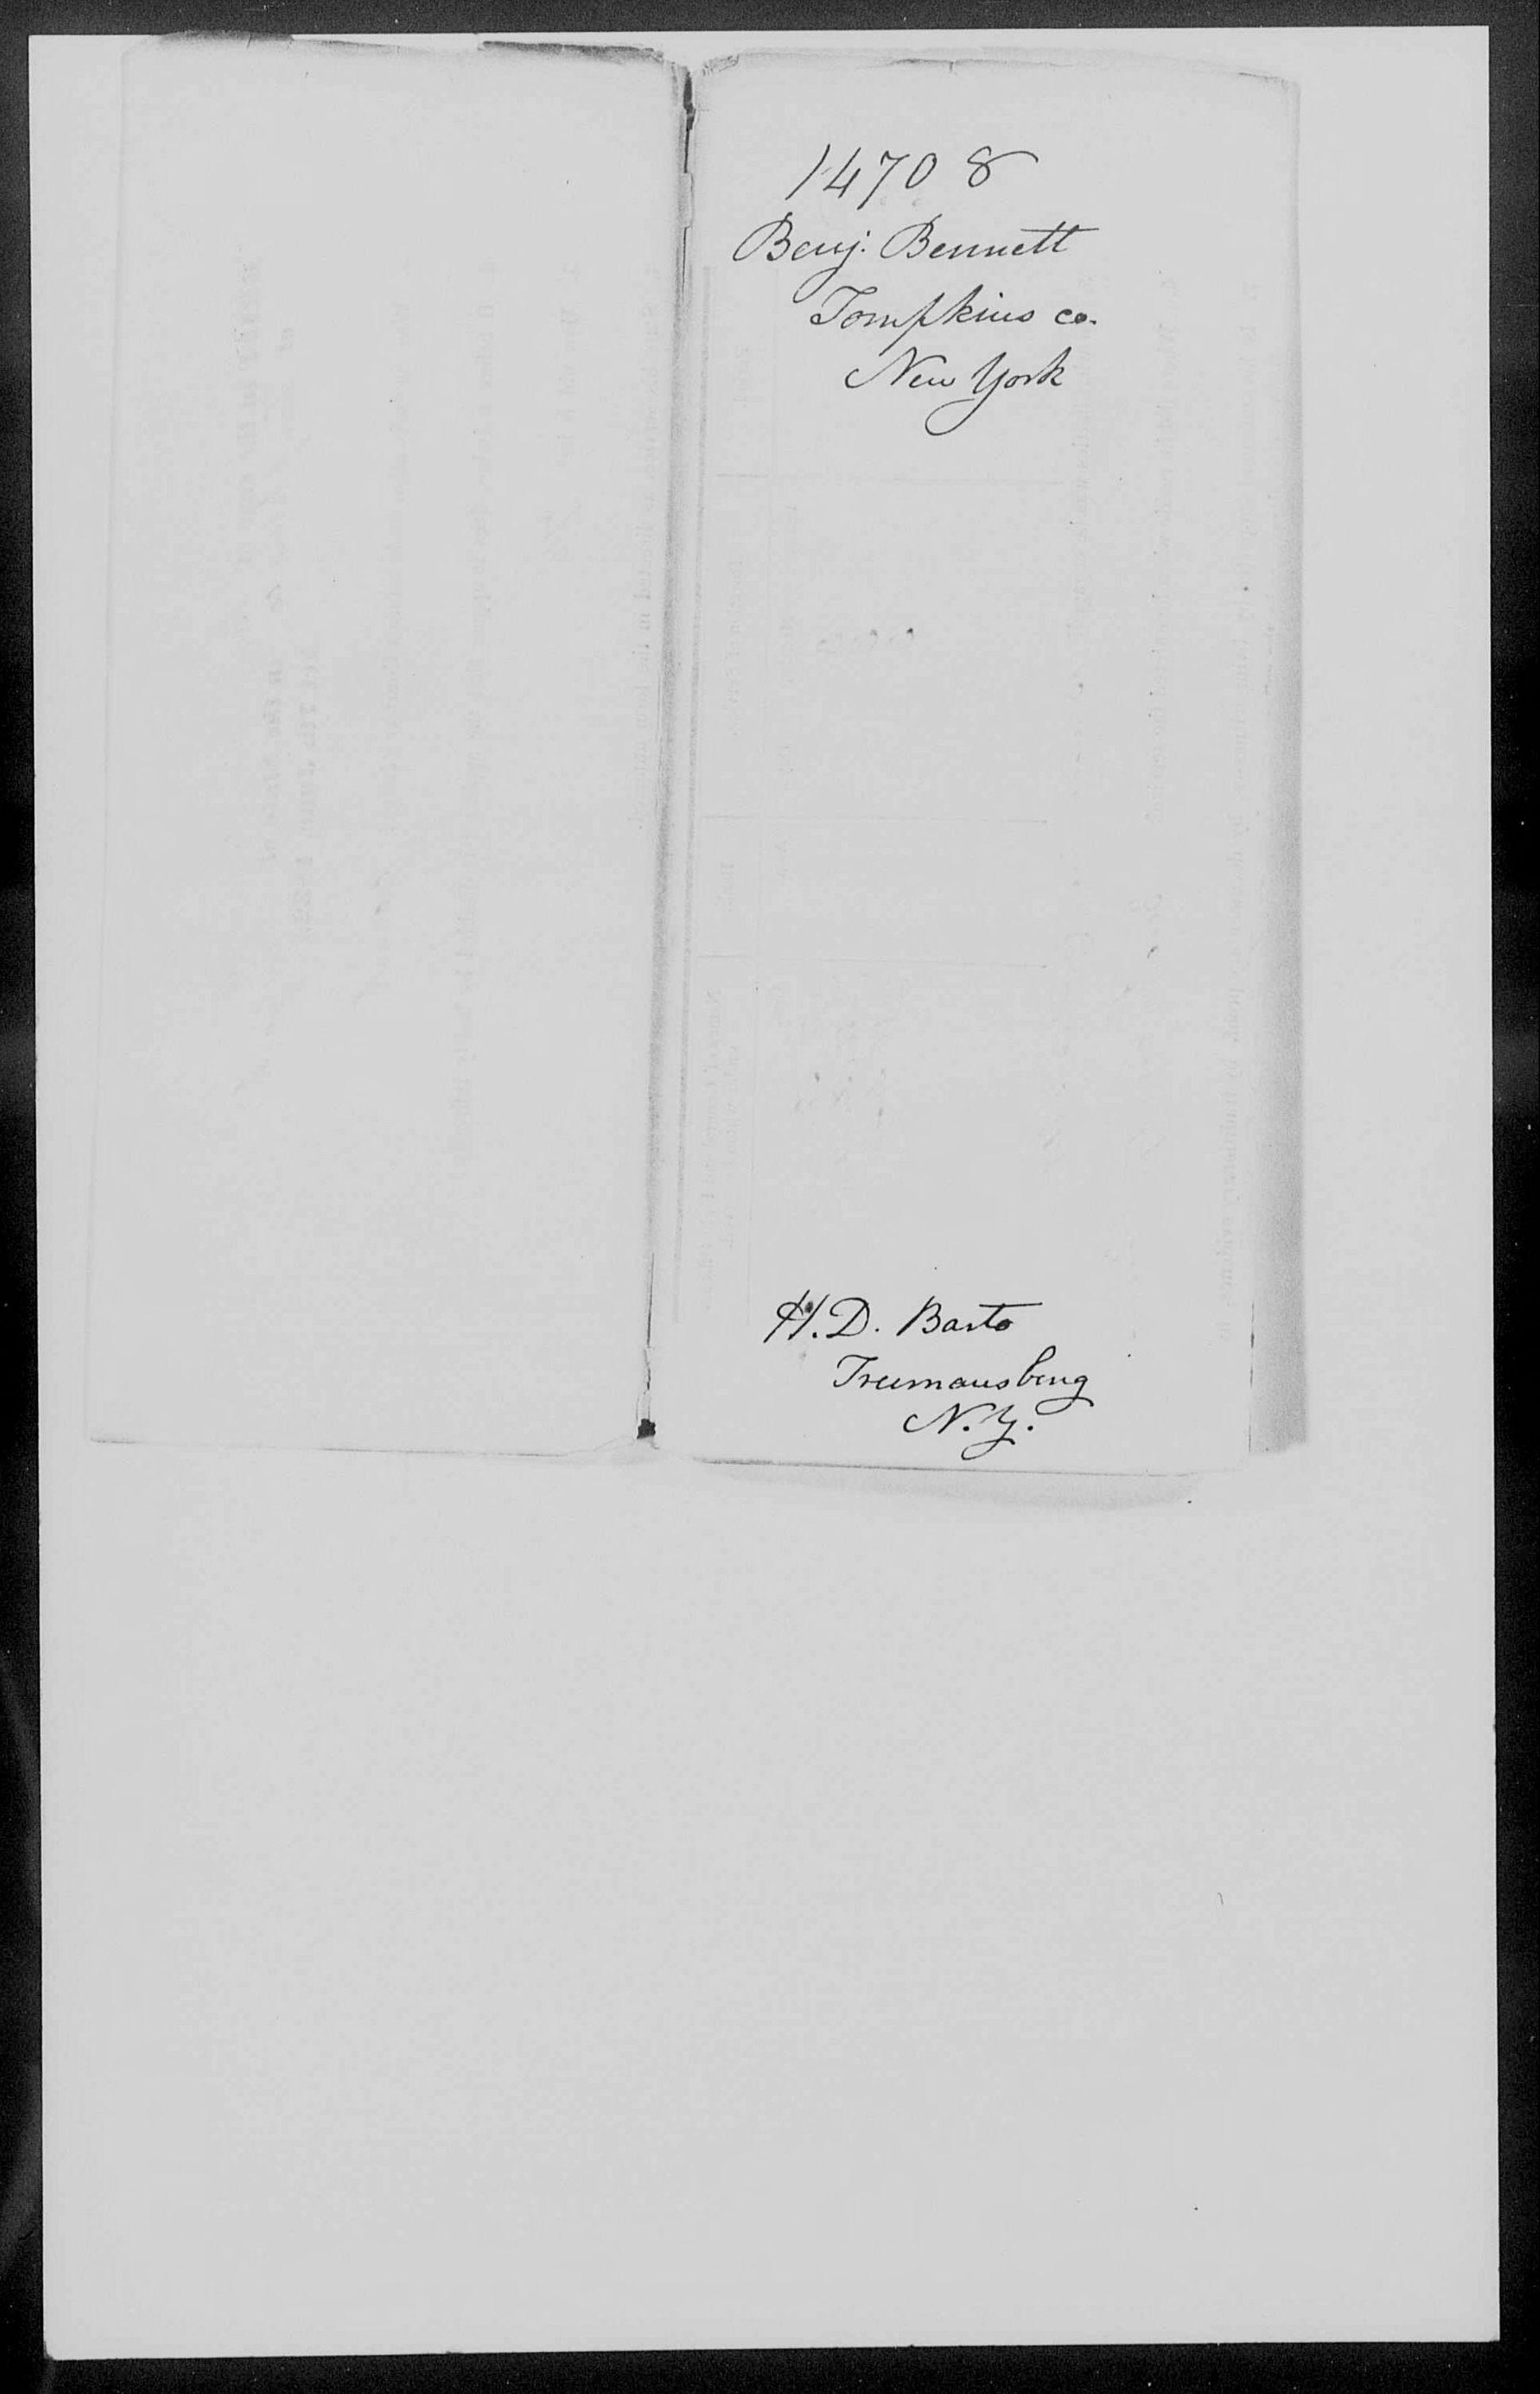14708 
Benj. Bennett 
Tompkins co. New York 

H.D. Barto 
Trumansburg N.Y.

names: Benj Bennett, H D Barto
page: 8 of 16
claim: survivor's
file: S. 12175, Benjamin Bennett, Penn.